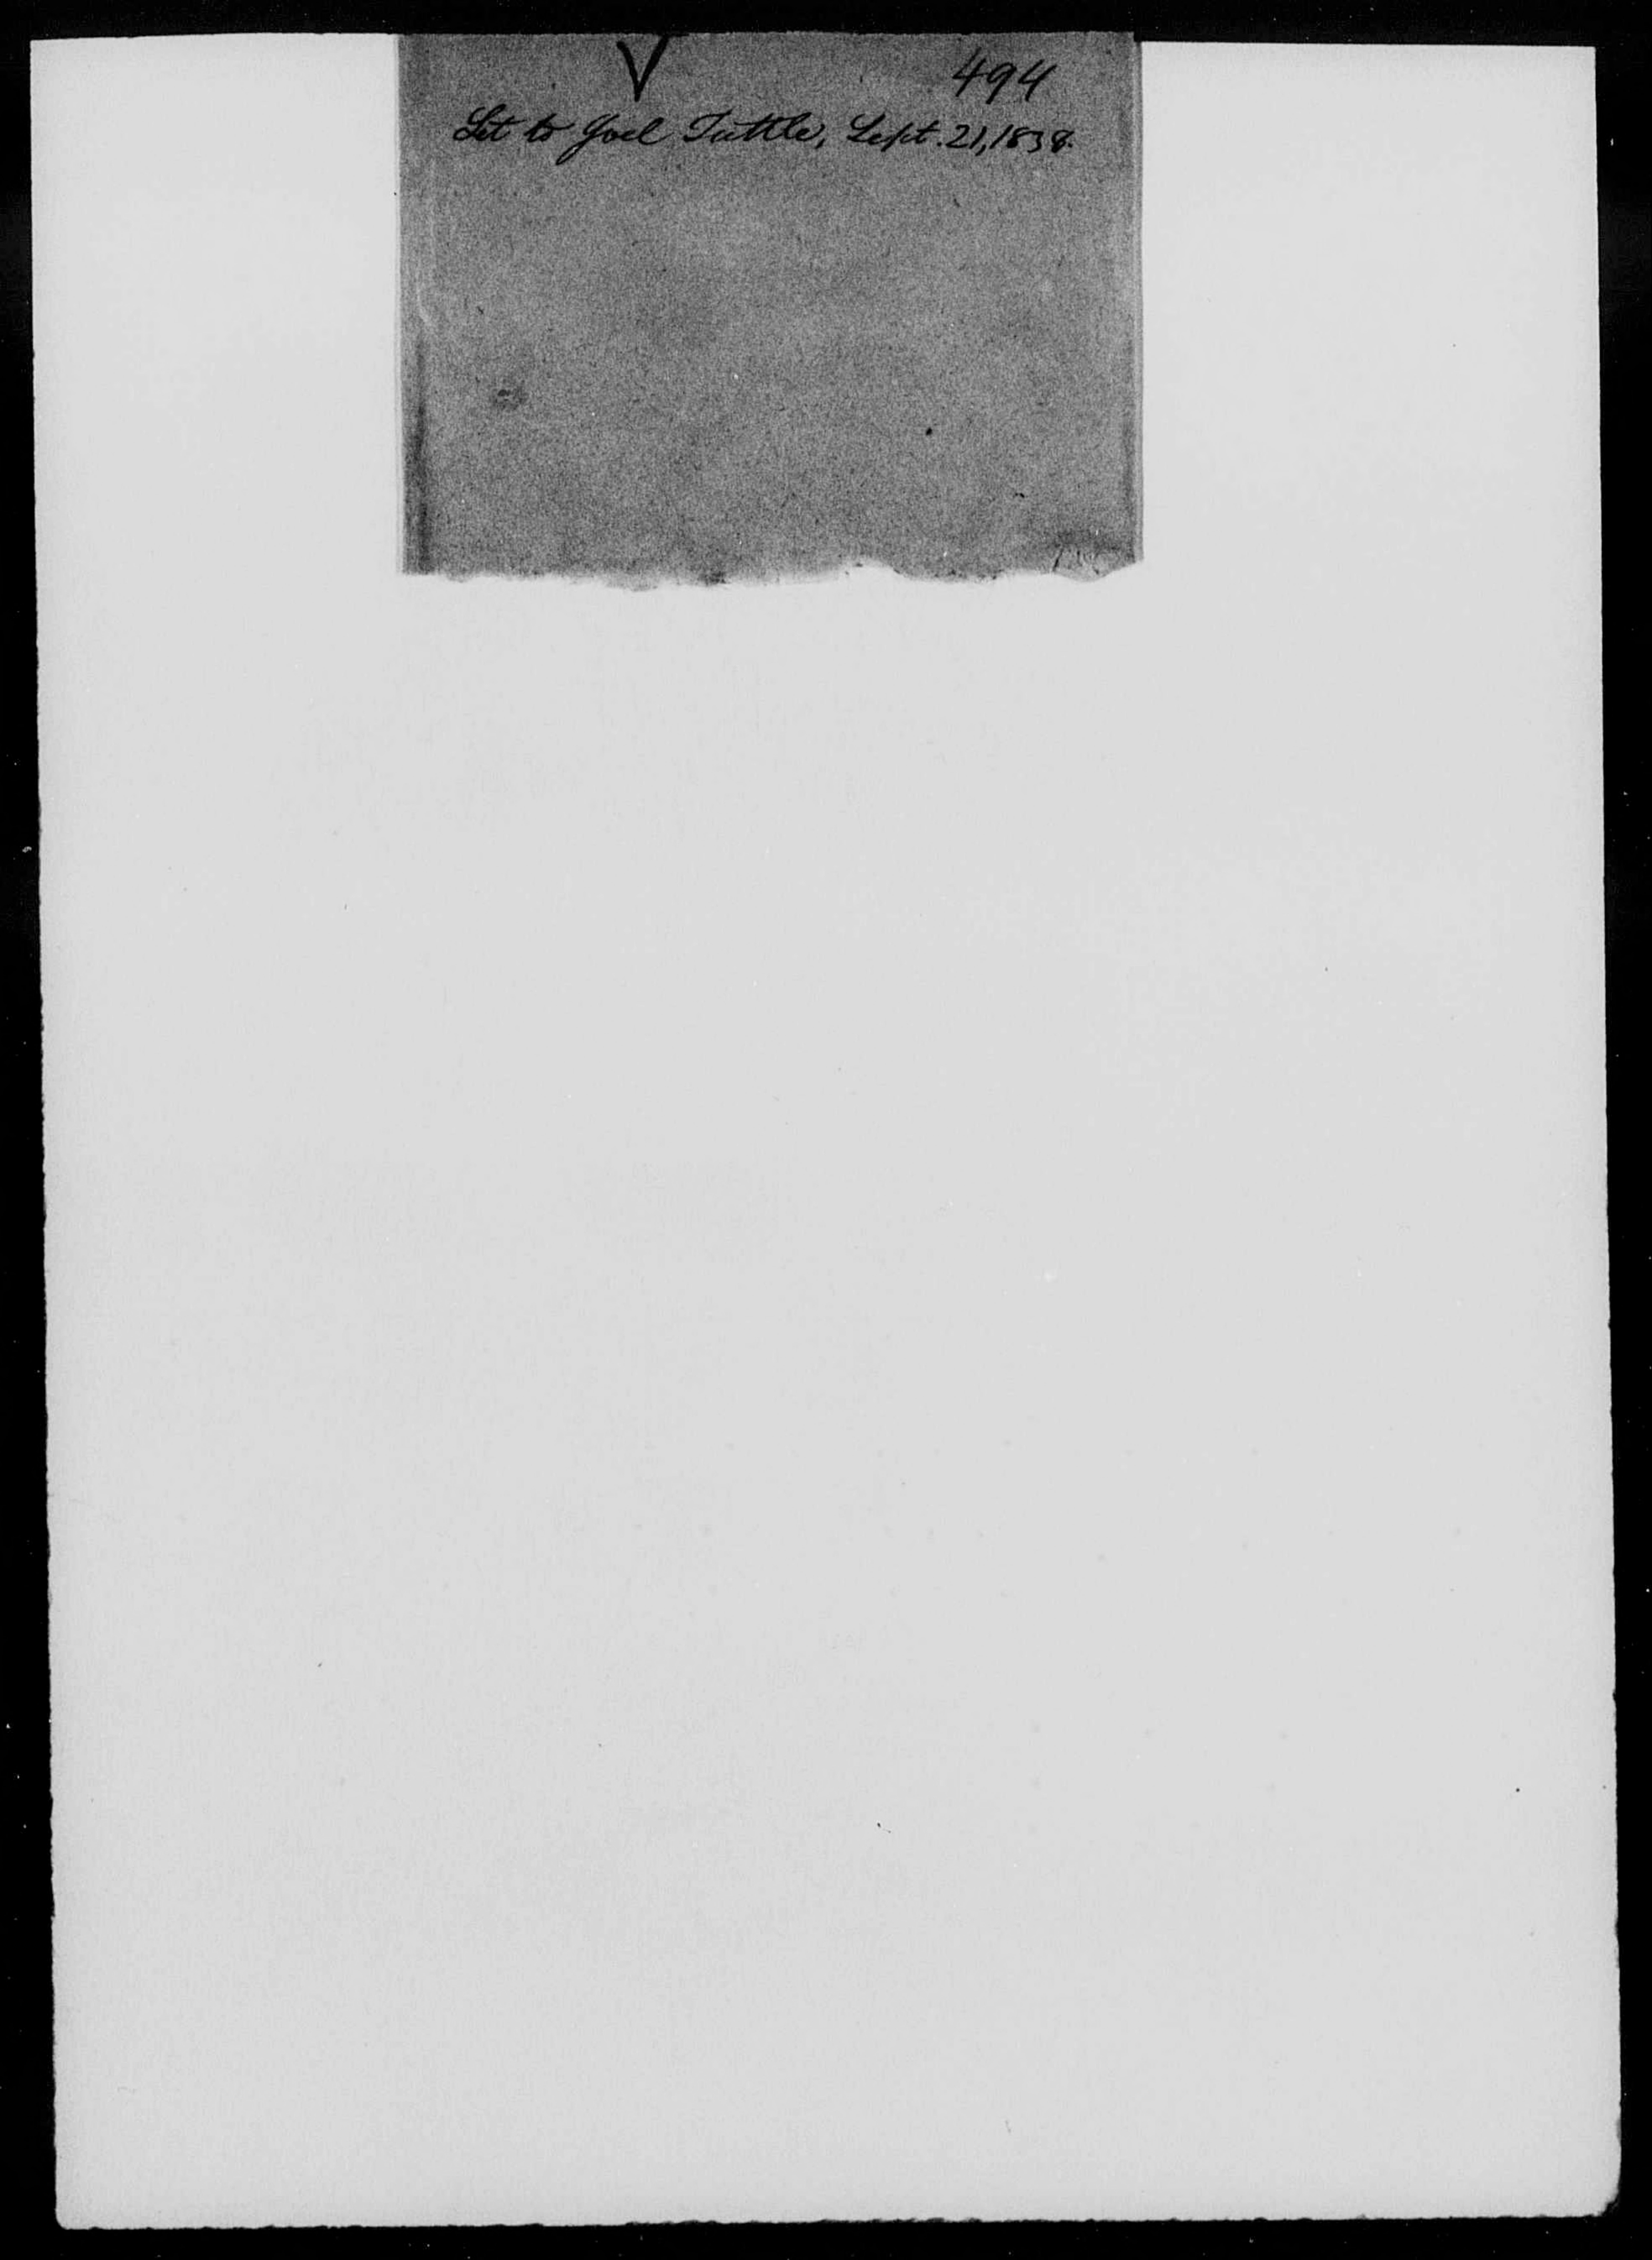V 494
Let to Joel Tuttle, Sept. 21, 1838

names: Joel Tuttle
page: 16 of 25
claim: widow's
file: W. 18,021, Isaac Hotchkiss, Conn.